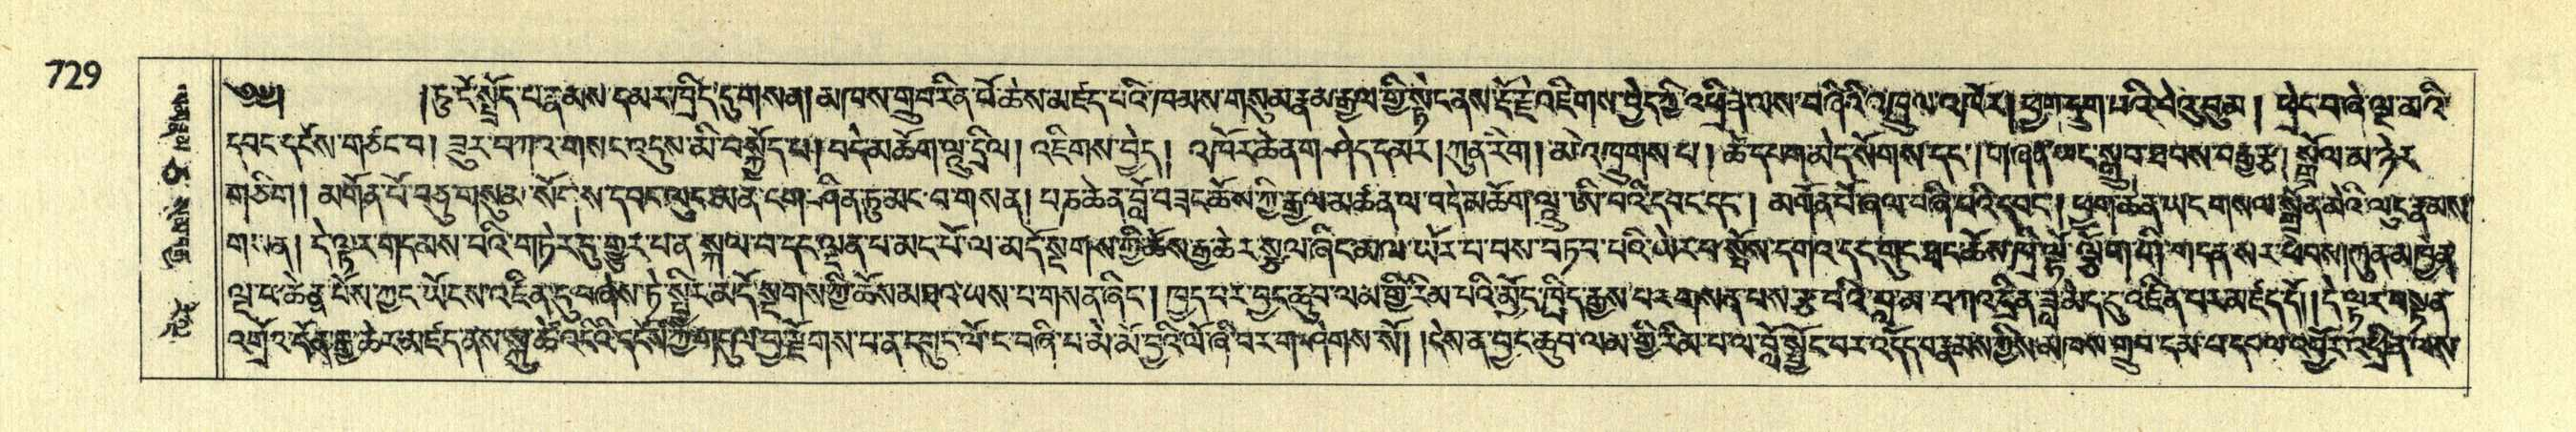༄༅། །ཏུ་ངོ་སྤྲོད་པ་རྣམས་དམར་ཁྲིད་དུ་གསན། མཁས་གྲུབ་རིན་པོ་ཆེས་མཛད་པའི་ཁམས་གསུམ་རྣམ་རྒྱལ་གྱི་སྟེང་ནས་རྡོ་རྗེ་འཇིགས་བྱེད་ཀྱི་འཕྲིན་ལས་བཞིའི་འཁྲུལ་འཁོར། ཕྱག་དྲུག་པའི་བེའུ་བུམ། ཕྲེང་བ་ཞེ་ལྔ་མའི་
དབང་དངོས་གཙང་བ། ཟུར་བཀའ་གསང་འདུས་མི་བསྐྱོད་པ། བདེ་མཆོག་ལཱུ་དྲིལ། འཇིགས་བྱེད། འཁོར་ཆེན་གཤེད་དམར། ཀུན་རིག། མི་འཁྲུགས་པ། ཚེ་དཔག་མེད་སོགས་དང་། གཞན་ཡང་སྒྲུབ་ཐབས་བརྒྱ་རྩ། སྒྲོལ་མ་ཉེར་
གཅིག། མགོན་པོ་བཅུ་གསུམ་སོགས་དབང་ལུང་མན་ངག་ཤིན་ཏུ་མང་བ་གསན། པཎ་ཆེན་བློ་བཟང་ཆོས་ཀྱི་རྒྱལ་མཚན་ལ་བདེ་མཆོག་ལཱུ་ཨི་པའི་དབང་དང་། མགོན་པོ་ཞལ་བཞི་བའི་དབང་། ཕྱག་ཆེན་ཡང་གསལ་སྒྲོན་མེའི་ལུང་རྣམས་
གསན། དེ་ལྟར་གདམས་བའི་གཏེར་དུ་གྱུར་པ་ན་སྐལ་བ་དང་ལྡན་པ་མང་པོ་ལ་མདོ་སྔགས་ཀྱི་ཆོས་རྒྱ་ཆེར་སྩལ་ཞིང་མལ་ཡོར་པ་བས་བཏབ་པའི་ཡེར་བ་སྦོས་དགའ་དང་གུང་ཐང་ཆོས་ཁྲི་ལྷོ་ལྕོག་གི་གདན་སར་ཕེབས། ཀུན་མཁྱེན་
ལྔ་པ་ཆེན་པོས་ཀྱང་ཡོངས་འཛིན་དུ་བཞེས་ཏེ་སྤྱིར་མདོ་སྔགས་ཀྱི་ཆོས་མཐའ་ཡས་པ་གསན་ཞིང་། ཁྱད་པར་བྱང་ཆུབ་ལམ་གྱི་རིམ་པའི་མྱོང་ཁྲིད་རྒྱས་པར་གསན་པས་རྩ་བའི་བླ་མ་བཀའ་དྲིན་ཟླ་མེད་དུ་འཛིན་པར་མཛད་དོ། །དེ་ལྟར་བསྟན་
འགྲོའ་དོན་རྒྱ་ཆེར་མཛད་ནས་སྐུ་ཚེ་འདིའི་དངོས་ཀྱི་གདུལ་བྱ་རྫོགས་པ་ན་དགུང་ལོ་ང་བཞི་པ་མེ་མོ་བྱའི་ལོ་ཞི་བར་གཤེགས་སོ། །དེས་ན་བྱང་ཆུབ་ལམ་གྱི་རིམ་པ་ལ་བློ་སྦྱོང་བར་འདོད་པ་རྣམས་ཀྱིས་མཁས་གྲུབ་དམ་པ་དཔལ་འབྱོར་འཕྲིན་ལས་